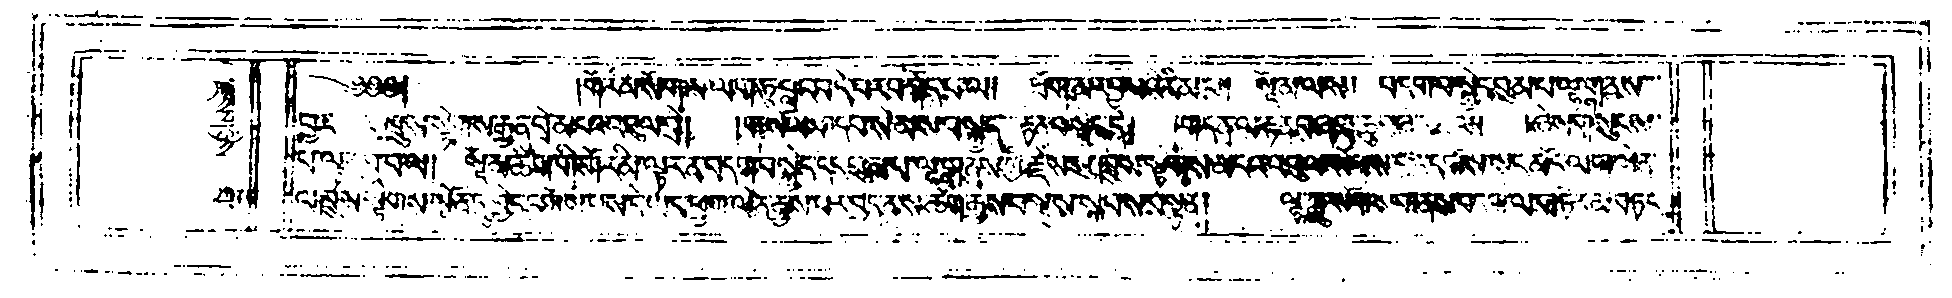༄༅༅། །གོ་རིམ་སོགས་ལག་ཏུ་བླང་བདེ་བར་བཀོད་པ་ལ། ཐོག་མར་བྱ་བའི་རིམ་པ། སྡོམ་ལས། བདག་བསྐྱེད་བུམ་པ་ལྷག་གནས་
བྱ༑ ༑ཁྲུས་སྟེགས་རྒྱན་བྲེ་མངའ་འབུལ་བྲི། །གསོལ་གདབ་སེམས་བསྐྱེད་རྟེན་བསྐྱེད་དེ། །གདན་ལ་རྟེན་བཞག་ཆུ་བཞི་དབུལ། །ཞེས་གསུངས་
པ་ལྟར་བྱ་བ་ལ། སྡོམ་ཚིག་གི་གོ་རིམ་ལྟར་ན་བདག་བསྐྱེད་དང་བུམ་པ་ལྷག་གནས་ཀྱི་རྗེས་སུ་ཁྲུས་སྟེགས་མངའ་འབུལ་སོགས་བྱེད་དགོས་སྣང་མོད་ལག་ལེན་
ལ་ཁྲུས་སྟེགས་སྔོན་དུ་བྱེད་དགོས་པས་དེ་ཡང་ཕྱག་ལེན་རྒྱས་པར་བྱེད་ན་ས་ཆོག་རྒྱས་བསྡུས་སྐབས་བསྟུན། ལྷ་ཀླུ་སོགས་གནས་བདག་ལ་གཏོར་མ་བཏང་